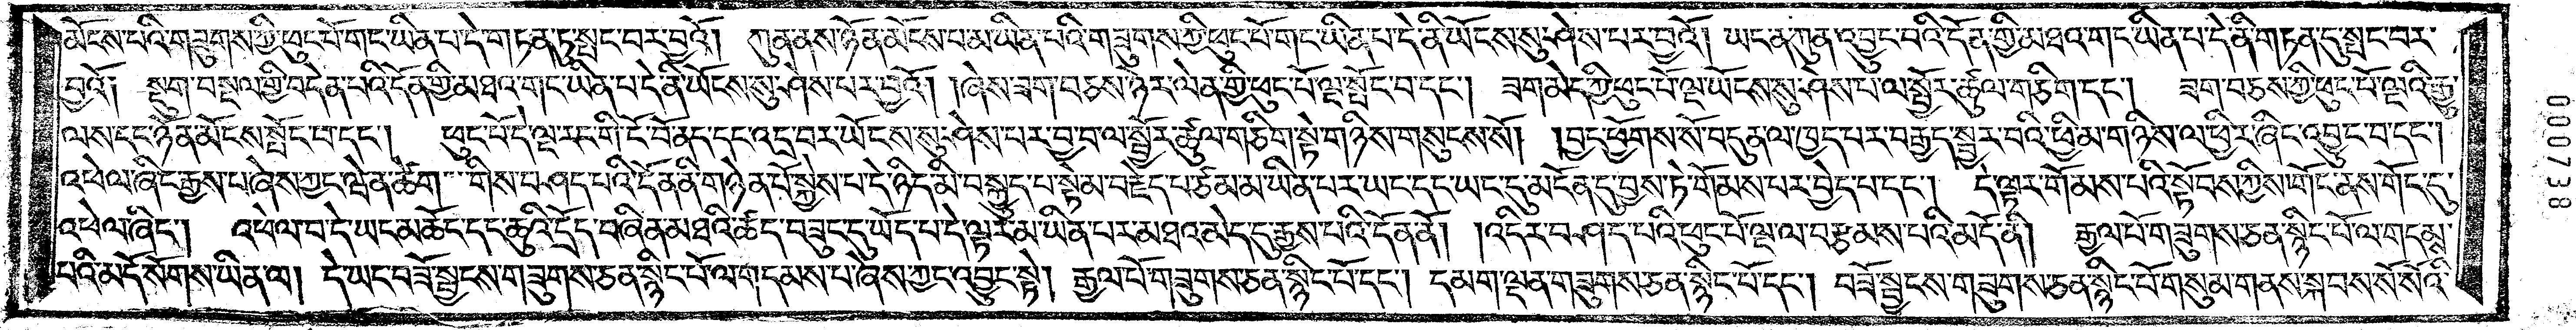མོངས་པའི་གཟུགས་ཀྱི་ཕུང་པོ་གང་ཡིན་པ་དེ་གཏན་ཏུ་སྤང་བར་བྱའོ། ཀུན་ནས་ཉོན་མོངས་པ་མ་ཡིན་པའི་གཟུགས་ཀྱི་ཕུང་པོ་གང་ཡིན་པ་དེ་ནི་ཡོངས་སུ་ཤེས་པར་བྱའོ། ཡང་ན་ཀུན་འབྱུང་བའི་དོན་གྱི་མཐའ་གང་ཡིན་པ་དེ་ནི་གཏན་དུ་སྤང་བར་
བྱའོ། སྡུག་བསྔལ་གྱི་བདེན་པའི་དོན་གྱི་མཐའ་གང་ཡིན་པ་དེ་ནི་ཡོངས་སུ་ཤེས་པར་བྱའོ། །ཞེས་ཟག་བཅས་ཉེར་ལེན་གྱི་ཕུང་པོ་ལྔ་སྤོང་བ་དང་། ཟག་མེད་ཀྱི་ཕུང་པོ་ལྔ་ཡོངས་སུ་ཤེས་པ་ལ་སྦྱོར་ཚུལ་གཅིག་དང་། ཟག་བཅས་ཀྱི་ཕུང་པོ་ལྔའི་རྒྱུ་
ལས་དང་ཉོན་མོངས་སྤོང་བ་དང་། ཕུང་པོ་དེ་ལྔ་རང་གི་ངོ་བོ་ནད་དང་འདྲ་བར་ཡོངས་སུ་ཤེས་པར་བྱ་བ་ལ་སྦྱོར་ཚུལ་གཅིག་སྟེ་གཉིས་གསུངས་སོ། །བྱང་ཕྱོགས་སོ་བདུན་ལ་ཁྱད་པར་བརྒྱད་སྦྱར་བའི་ཕྱི་མ་གཉིས་ལ་ཕྱིར་ཞིང་འབྱུང་བ་དང་།
འཕེལ་ཞིང་རྒྱས་པ་ཞེས་ཀྱང་ཝེན་ཚེག་གིས་བཤད་པའི་དོན་ནི་གཉེན་པོ་སྐྱེས་པ་དེ་ཉིད་མི་བསྐྱུད་པ་སྟེ་མ་བརྗེད་པ་ཙམ་མ་ཡིན་པར་ཡང་དང་ཡང་དུ་མངོན་དུ་བྱས་ཏེ་གོམས་པར་བྱེད་པ་དང་། དེ་ལྟར་གོམས་པའི་སྟོབས་ཀྱིས་གོང་ནས་གོང་དུ་
འཕེལ་ཞིང་། འཕེལ་བ་དེ་ཡང་མཆོད་དང་ཆུའི་དྲོད་བཞིན་མཐའི་ཚད་བཟུང་དུ་ཡོད་པ་དེ་ལྟར་མ་ཡིན་པར་མཐའ་མེད་དུ་རྒྱས་པའི་དོན་ནོ། །འདིར་བཤད་པའི་ཕུང་པོ་ལྔ་ལ་བརྩམས་པའི་མདོ་ནི། རྒྱལ་པོ་གཟུགས་ཅན་སྙིང་པོ་ལ་གདམས་
པའི་མདོ་སོགས་ཡིན་ལ། དེ་ཡང་བཟོ་སྦྱངས་གཟུགས་ཅན་སྙིང་པོ་ལ་གདམས་པ་ཞེས་ཀྱང་འབྱུང་སྟེ། རྒྱལ་པོ་གཟུགས་ཅན་སྙིང་པོ་དང་། དམག་ལྡན་གཟུགས་ཅན་སྙིང་པོ་དང་། བཟོ་སྦྱངས་གཟུགས་ཅན་སྙིང་པོ་གསུམ་གནས་སྐབས་སོ་སོའི་